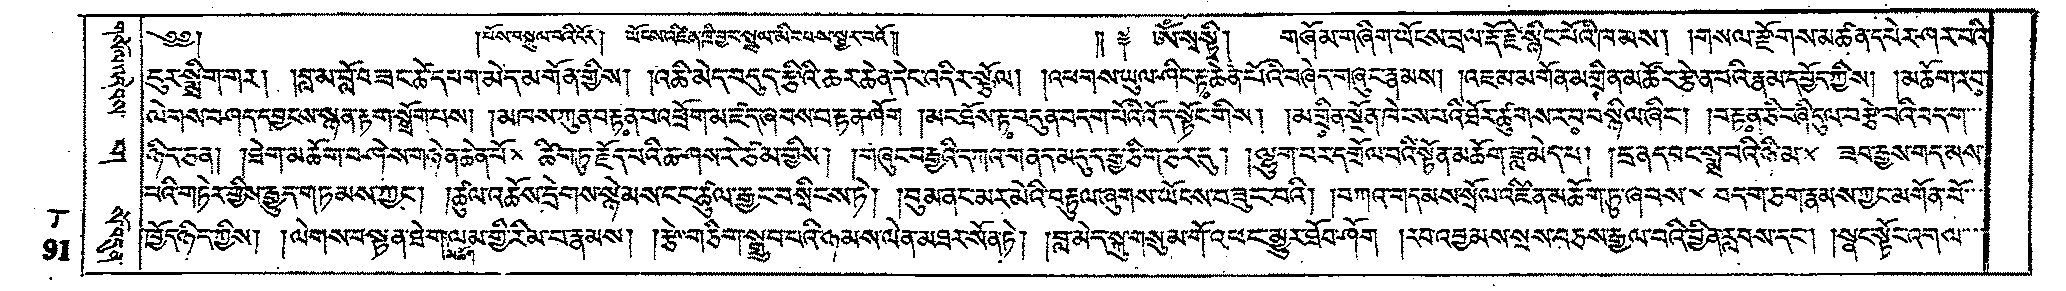༄༅། །པོས་བསྐུལ་བའི་ངོར། ཡོངས་འཛིན་ཁྲི་བྱང་སྤྲུལ་མིང་པས་སྦྱར་བའོ།།  །། འ་ཨོཾ་སྭསྟྭི། གཞོམ་གཞིག་ཡོངས་བྲལ་རྡོ་རྗེ་སྙིང་པོའི་ཁམས། །གསལ་རྫོགས་མཚན་དཔེར་ཤར་བའི་
ངུར་སྨྲིག་གར། །བླ་མ་བློ་བཟང་ཚེ་དཔག་མེད་མགོན་གྱིས། །འཆི་མེད་བདུད་རྩིའི་ཆར་ཆེན་དེང་འདིར་སྩོལ། །འཕགས་ཡུལ་ཤིང་རྟ྾་ཆེན་པོའི་བཞེད་གཞུང་རྣམས། །འཇམ་མགོན་མགྲིན྾་མཚོར་རྩེན་པའི་རྣམ་དཔྱོད་ཀྱིས། །མཆོག་རབ྾་
ལེགས་བཤད་དབྱངས་སྙན་རྟག་སྒྲོག་པས། །མཁས་ཀུན་བརྟན྾་པ་འཕྲོག་མཛད་ཞབས་བརྟན་ཤོག །མང་ཐོས་རྟ྾་བདུན་བདག་པོའི་འོད་སྟོང་གིས། །མགྲིན྾་སྔོན་ཁེངས་པའི་ཐོར་ཚུགས་རབ྾་བསྙིལ་ཞིང་། །བརྟན྾་ཅིང་ཞི་དུལ་བརྩེ་བའི་བདག་་་
ཉིད་ཅན། །ཐེག་མཆོག་བཤེས་གཉེན་ཆེན་པོ་྾་ཚིག་ཏུ་རྗོད་པའི་ཆ་ཤས་རི་ཙམ་གྱིས། །གཞུང་བརྒྱའི་དཀའ་གནད་མདུད་རྒྱ་ཅིག་ཅར་དུ། །ལྷུག་པར་དགྲོལ་བའི་སྟོན་མཆོག་ཟླ་མེད་པ། །དྲན་དབང་སྨྲ་བའི་ཉི་མ་྾་ཟབ་རྒྱས་གདམས་
པའི་གཏེར་གྱིས་རྒྱུད་གཏམས་ཀྱང་། །ཚུལ་འཆོས་དྲེགས་སྙེམས་ངང་ཚུལ་རྒྱང་བསྲིངས་ཏེ། །བུམ་ནང་མར་མེའི་བརྟུལ་ཞུགས་ཡོངས་བཟུང་བའི། །བཀའ་གདམས་སྲོལ་འཛིན་མཆོག་ཏུ་ཞབས་྾་བདག་ཅག་རྣམས་ཀྱང་མགོན་པོ་་་
ཁྱོད་ཉིད་ཀྱིས། །ལེགས་བསྟན་ཐེག་མཆོག་ལམ་གྱི་རིམ་པ་རྣམས། །རྩེ་གཅིག་སྒྲུབ་པའི་ཉམས་ལེན་མཐར་སོན་ཏེ། །བླ་མེད་སྐུ་གསུམ་གོ་འཕང་མྱུར་ཐོབ་ཤོག །རབ་འབྱམས་སྲས་བཅས་རྒྱལ་བའི་བྱིན་རླབས་དང་། །སྣང་སྟོང་འགལ་་་